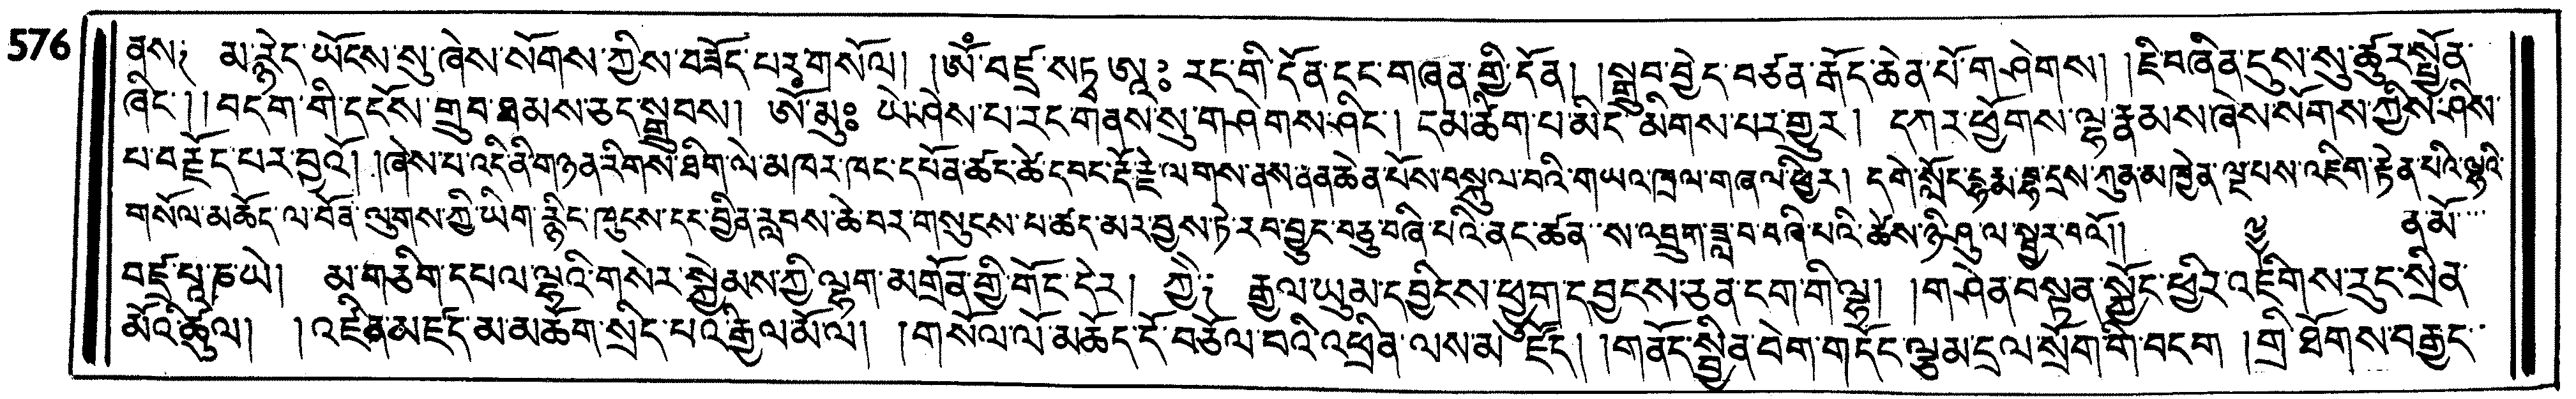ནས༑ མ་རྙེད་ཡོངས་སུ་ཞེས་སོགས་ཀྱིས་བཟོད་པར་གསོལ། །ཨོཾ་བཛྲ་སཏྭ་ཨཱཿ རང་གི་དོན་དང་གཞན་གྱི་དོན། །སྒྲུབ་བྱེད་བཙན་རྒོད་ཆེན་པོ་གཤེགས། །ཇི་བཞིན་དུས་སུ་ཚུར་སྤྱོན་
ཞིང་། །བདག་གི་དངོས་གྲུབ་ཐམས་ཅད་སྒྲུབས། ཨོཾ་མུཿ ཡེ་ཤེས་པ་རང་གནས་སུ་གཤེགས་ཤིང་། དམ་ཚིག་པ་མིང་མིགས་པར་གྱུར། དཀར་ཕྱོགས་ལྷ་རྣམས་ཞེས་སོགས་ཀྱིས་ཤིས་
པ་བརྗོད་པར་བྱའོ། །ཞེས་པ་འདི་ནི་གཉན་རིགས་ཐིག་ལེ་མཁར་ཁང་དཔོན་ཚང་ཚེ་དབང་རྡོ་རྗེ་ལགས་ནས་ནན་ཆེན་པོས་བསྐུལ་བའི་གཡའ་ཁྲལ་གཞལ་ཕྱིར། དགེ་སློང་དྷརྨ་བྷ་དྲས་ཀུན་མཁྱེན་ལྔ་པས་འཇིག་རྟེན་པའི་ལྷའི་
གསོལ་མཆོད་ལ་བོན་ལུགས་ཀྱི་ཡིག་རྙིང་ཁུངས་དང་བྱིན་རླབས་ཆེ་བར་གསུངས་པ་ཚད་མར་བྱས་ཏེ་རབ་བྱུང་བཅུ་བཞི་པའི་ནང་ཚན་ས་འབྲུག་ཟླ་བ་བཞི་པའི་ཚེས་ཉི་ཞུ་ལ་སྦྱར་བའོ།། འ་ན་མོ་་་
བཛྲ་པཱ་ཎ་ཡེ། མ་གཅིག་དཔལ་ལྷའི་གསེར་སྐྱེམས་ཀྱི་ལྷག་མགྲོན་གྱི་གོང་དེར། ཀྱཻ༑ རྒྱལ་ཡུམ་དབྱིངས་ཕྱུག་དབྱིངས་ཅན་ངག་གི་ལྷ། །གཤེན་བསྟན་སྐྱོང་ཕྱིར་འཇིགས་རུང་སྲིན་
མོའི་ཚུལ། །འཛིན་མཛད་མ་མཆོག་སྲིད་པའི་རྒྱལ་མོ་ལ། །གསོལ་ལོ་མཆོད་དོ་བཅོལ་བའི་འཕྲིན་ལས་མ་ཛོད། །གནོད་སྦྱིན་བེག་གདོང་ལྕམ་དྲལ་སྲོག་གི་བདག །གྲི་ཐོགས་བརྒྱད་་་